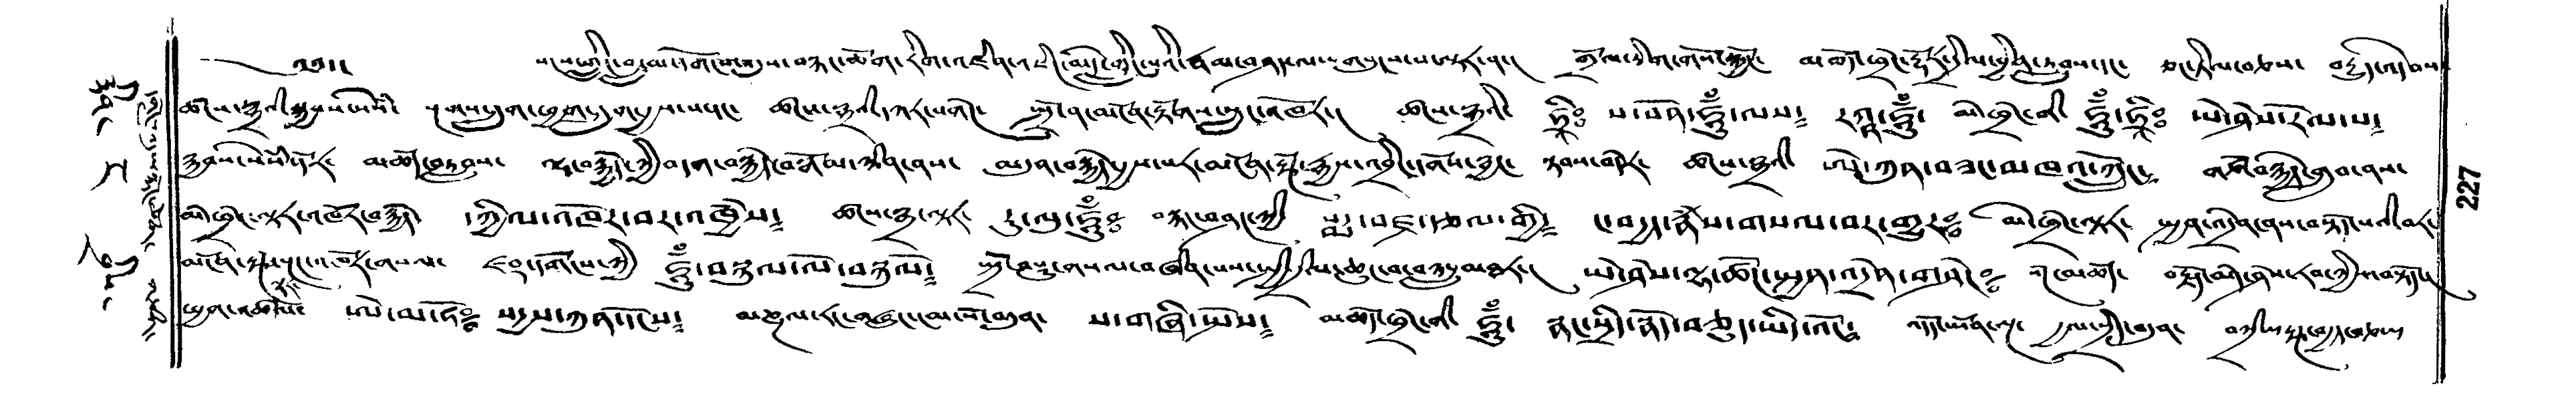༄༅། སངསཔགླིངཔབླཔམཔདགོངསཔའདུསཔཀྱིཔསྐོངཔམཆོགཔརིགཔའཛིནཔའཇིགསཔམེདཔགླིངཔ་འིཔརྣམཔབཤདཔལསཔགསུངསཔ་པལྟརཔན། གྲོལཔཐིགཔགསོཔསྦྱོངཔ། མཆོདཔཕྲེངཔརྡོརཔདྲིལཔབྱིནཔརླབསཔདངཔ། ཅངཔཏེའུཔབཅས། རྒྱུདཔའདེབས། 
ཚངསཔསྒྲའིཔ བསཔསེམས། སྔགསཔདྲུགཔཕྱགཔདྲུགཔརྒྱསཔ་པདངཔ། ཚངསཔསྒྲའིཔདཀརཔབགེགས། སྤྲོཔནཔམངོནཔརྟོགསཔསྲུངཔའཁོར། ཚངསཔསྒྲའི། ཧྲཱི༔ སཔབོནཔཧཱུྃཔལས༴ རཀྵཔཧཱུྃ༔ མེཔཕྲེངཔགི ཧཱུྃཔཧྲཱི༔ ཡེཔཤེས་རོལ་པ་༴
སྐྱབས་སེམས་དོར། མཆོད་རླབས། ལྷཔ ེདཔཀྱིཔབདགཔ ེདཔབསྒོམསཔཟིནཔནས། མདུན་རྒྱསཔ་ར་མངོན་རྟོགས་རྒྱས་འབྲིངཔདགོས་ཀྱང་། སྟབསཔབདེར་ ཚངསཔསྒྲའི། ཨེཔཀུནཔབཟངཔམཁའཔཀློང༴ གཙོཔ ེདཔབསྒྲུབསཔནས། 
མེཔཕྲེངཔལྟརཔའཁོརཔ ེད། དཀྱིལཔའཁོརཔབརཔའཁྱམས༴ ཚངསཔསྒྲཔལྟར། རུཔལུཔཧཱུྃ༔ སྐོངཔབཤགསཔཀྱི་དྨཔབཛྲཔརྩལཔགྱི༴ ངཔབརྒྱདཔརྣམསཔགསལཔབརཔགྱུར༔ མེཔཕྲེངཔལྟར། སྤྱནཔའདྲེནཔནསཔབསྟོད་པའི་བར
མངོནཔརྟོགསཔསྔགསཔའཁོརཔགསལ། ཛབཔདགོངསཔཀྱི ཧཱུྃ༔སྐུལཔལོཔསྐུལཔལོ༴ སྤྲོཔབསྡུཔགསལཔབཞིནཔ་སཔསྤྱིཔདྲིལཔཆུངཔབཔབཟླསཔམཐར། ཡེཔཤེསཔལྷཔཚོགསཔསྤྱནཔའདྲེནཔགཤེགས༴ སོགསཔཀྱིསཔམཆོད། རྗོདཔམེདཔཤེསཔརབཔཀྱིསཔབསྟོད། 
ཕྱགཔའཚལཔལྟར། ཨེཔམཔཧོ༔ སངསཔརྒྱསཔཀུནཔདངོས༴ མཎྜལཔརངཔགཞུངཔངམཔསོཔབདུན། སཔགཞིཔསྤོས༴ མཆོདཔཕྲེངཔགི ཧཱུྃ༔ སྣངཔསྲིདཔསྣོདཔབཅུདཔཡིདཔའོང༴ འདོདཔཡོནཔལྔ། རྒྱལཔསྲིདཔབདུན། བཀྲཔཤིསཔརྟགསཔབརྒྱདཔབཅསཔ